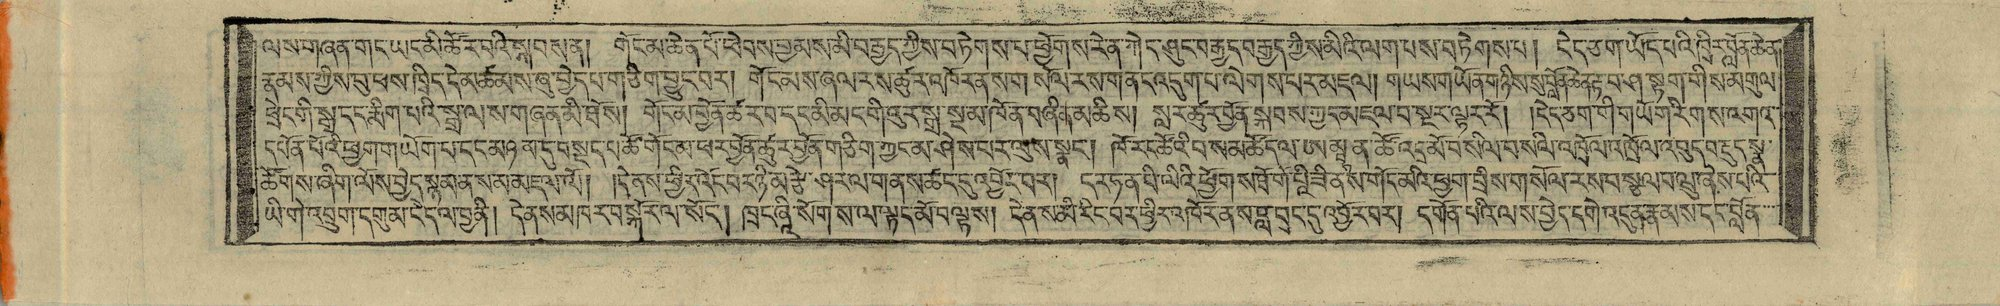ལས་གཞན་གང་ཡང་མི་ཚོར་བའི་སྐབས་ན། གོང་མ་ཆེན་པོ་ཕེབས་བྱམས་མི་བརྒྱད་ཀྱིས་བཏེགས་པ་ཕྱོགས་རེན་ཀེང་ཤུང་བརྒྱད་བརྒྱད་ཀྱིས་མིའི་ལག་པས་བཏེགས་པ། ངེད་ཅག་ཡོད་པའི་ཁྲིར་བློན་ཆེན་
རྣམས་ཀྱིས་བུ་ཕས་ཁྲིད་དེ་མཚམས་ཞུ་བྱེད་པ་གཅིག་བྱུང་བར། གོང་མས་ཞལ་རས་ཚུར་འཁོར་ནས་གསོལ་རས་གནང་འདུག་པ་ལེགས་པར་མཇལ། གཡས་གཡོན་གཉིས་སུ་བློན་ཆེན་རྟ་བ་ཤ་སྟག་གིས་མགུལ་
ཕྲེང་གི་སྒྲ་དང་རྨིག་པའི་སྒྲ་ལས་གཞན་མི་ཐོས། གོང་མ་བྱོན་ཚར་བ་དང་མི་མང་གི་འུར་སྒྲ་སྔ་མ་ཁོ་ན་བཞིན་མཆིས། སླར་ཚུར་བྱོན་སྐབས་ཀྱང་མཇལ་བ་སྔར་ལྟར་རོ། །ངེད་ཅག་གི་གཡོག་རིགས་འགའ་
དཔོན་པོའི་ཕྱག་གཡོག་པ་དང་མཉམ་དུ་བསྡད་པ་ཚོ་གོང་མ་ཕར་བྱོན་ཚུར་བྱོན་གཅིག་ཀྱང་མ་ཤེས་པར་ལུས་སྣང་། ཁོ་རང་ཚོའི་བས་མཚོད་ལ་ཨམྦྷན་ཚོ་འདྲ་མོ་བསིལ་བསིལ་འཁྲོལ་འཁྲོལ་འབུད་བརྡུད་སྣ་
ཚོགས་ཞིག་ལོས་བྱེད་སྙམ་ནས་མ་མཇལ་ལོ། །དེ་ནས་ཕྱིར་འོང་བར་ཉི་མ་རྩེ་ཤར་ལ་གནས་ཚང་དུ་འབྱོར་བར། དར་ཧན་པི་ལིའི་ཕྱོགས་ཐོ་གོ་པཱི་ཟི་ནས་གོང་མའི་ཕྱག་བྲིས་གསོལ་རས་བསྩལ་བ་ཝུ་ཞེས་པའི་
ཡི་གེ་འབྲུག་དགུ་མ་ངེད་ལ་བྱིན། དེ་ནས་མཁར་བསྐོར་ལ་སོང་། ཁྲང་ཞཱི་སོགས་ལ་ལྟད་མོ་བལྟས། དེ་ནས་མི་རིང་བར་ཕྱིར་འཁོར་ནས་བླ་བྲང་དུ་འབྱོར་བར། དགོན་པའི་ལས་བྱེད་དགེ་འདུན་རྣམས་དང་བློན་